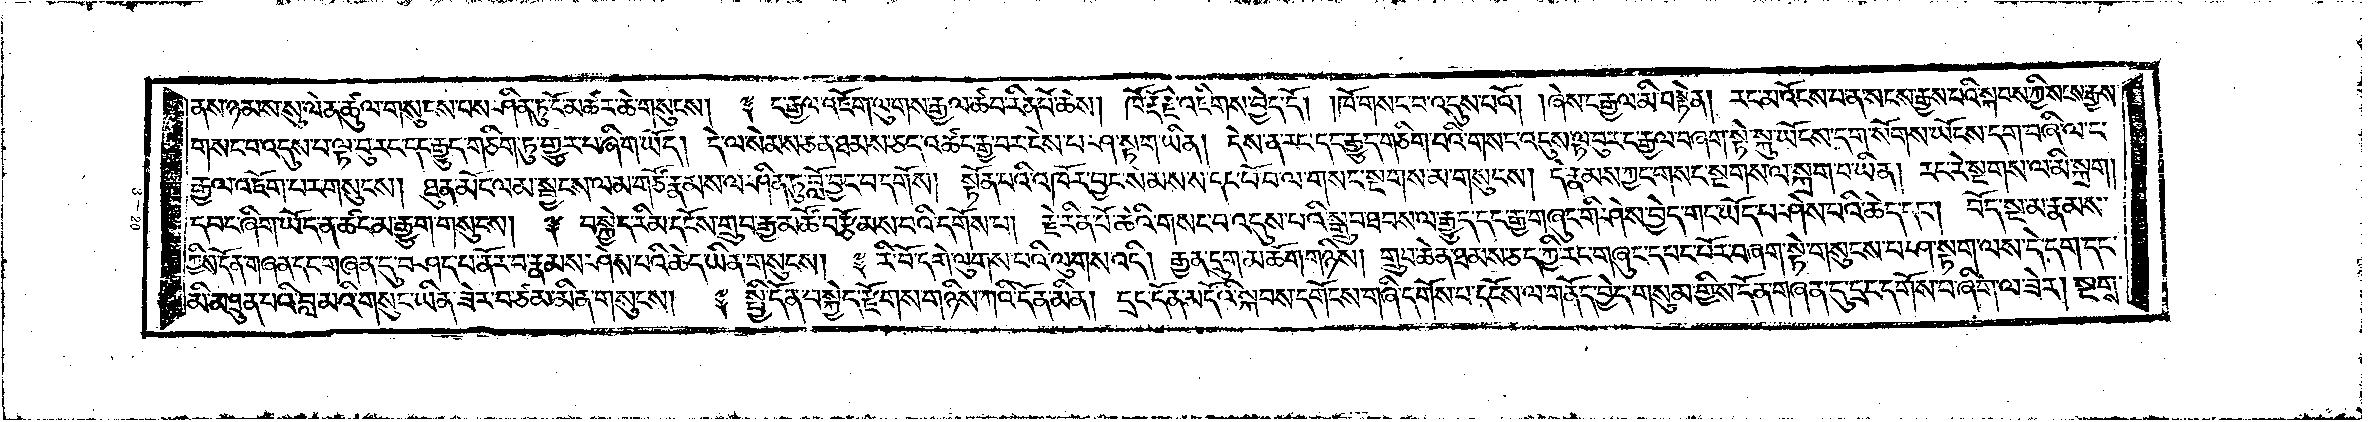ནས་ཉམས་སུ་ལེན་ཚུལ་གསུངས་པས་ཤིན་ཏུ་ངོ་མཚར་ཆེ་གསུངས། ༈ ང་རྒྱལ་འཇོག་ལུགས་རྒྱལ་ཚབ་རིན་པོ་ཆེས། ཁོ་རྡོ་རྗེ་འཇིགས་བྱེད་དོ། །ཁོ་གསང་བ་འདུས་པའོ། །ཞེས་ང་རྒྱལ་མི་བསྟེན། རང་མ་འོངས་པ་ན་སངས་རྒྱས་པའི་སྐབས་ཀྱི་སངས་རྒྱས་
གསང་བ་འདུས་པ་ལྟ་བུ་རང་དང་རྒྱུད་གཅིག་ཏུ་གྱུར་པ་ཞིག་ཡོད། དེ་ལ་སེམས་ཅན་ཐམས་ཅད་འཚང་རྒྱ་བར་ངེས་པ་ཤ་སྟག་ཡིན། དེས་ན་རང་དང་རྒྱུད་གཅིག་བའི་གསང་འདུས་ལྟ་བུ་རང་རྒྱལ་བཞག་སྟེ་སྐུ་ཡོངས་དག་སོགས་ཡོངས་དག་བཞི་ལ་ང་
རྒྱལ་འཇོག་པར་གསུངས། ཐུན་མོང་ལམ་སྦྱངས་ལམ་གཙོ་རྣམས་ལ་ཤིན་ཏུ་བློ་བྱང་བ་དགོས། སྟོན་པའི་འཁོར་བྱང་སེམས་ས་དང་པོ་བ་ལ་གསང་སྔགས་མ་གསུངས། དེ་རྣམས་ཀྱང་གསང་སྔགས་ལ་སྒྲག་པ་ཡིན། རང་རེ་སྔགས་ལ་མི་སྐྲག།
དབང་ཞིག་ཡོད་ན་ཚང་མ་རྒྱུག་གསུངས། ༈ བསྐྱེད་རིམ་དངོས་གྲུབ་རྒྱ་མཚོ་བརྩོམས་པའི་དགོས་པ། རྗེ་རིན་པོ་ཆེའི་གསང་བ་འདུས་པའི་སྒྲུབ་ཐབས་ལ་རྒྱུད་དང་རྒྱ་གཞུང་གི་ཤེས་བྱེད་གང་ཡོད་པ་ཤེས་པའི་ཆེད་དང་། བོད་སྔ་མ་རྣམས་
ཀྱིས་དོན་གཞན་དང་གཞན་དུ་བཤད་པ་ནོར་བ་རྣམས་ཤེས་པའི་ཆེད་ཡིན་གསུངས། ༈ རི་བོ་དགེ་ལུགས་པའི་ལུགས་འདི། རྒྱན་དྲུག་མཆོག་གཉིས། གྲུབ་ཆེན་ཐམས་ཅད་ཀྱི་རང་གཞུང་དབང་པོར་བཞག་སྟེ་གསུངས་པ་ཤ་སྟག་ལས་དེ་དག་དང་
མི་མཐུན་པའི་བླ་མའི་གསུང་ཡིན་ཟེར་བ་ཙམ་མིན་གསུངས། ༈ ༴སྤྱི་དོན་བསྐྱེད་རྫོགས་གཉིས་ཀའི་དོན་མིན། དྲང་དོན་མདོའི་སྐབས་དགོངས་གཞི་དགོས་པ་དངོས་ལ་གནོད་བྱེད་གསུམ་གྱིས་དོན་གཞན་དུ་དྲང་དགོས་པ་ཞིག་ལ་ཟེར། སྔགས་